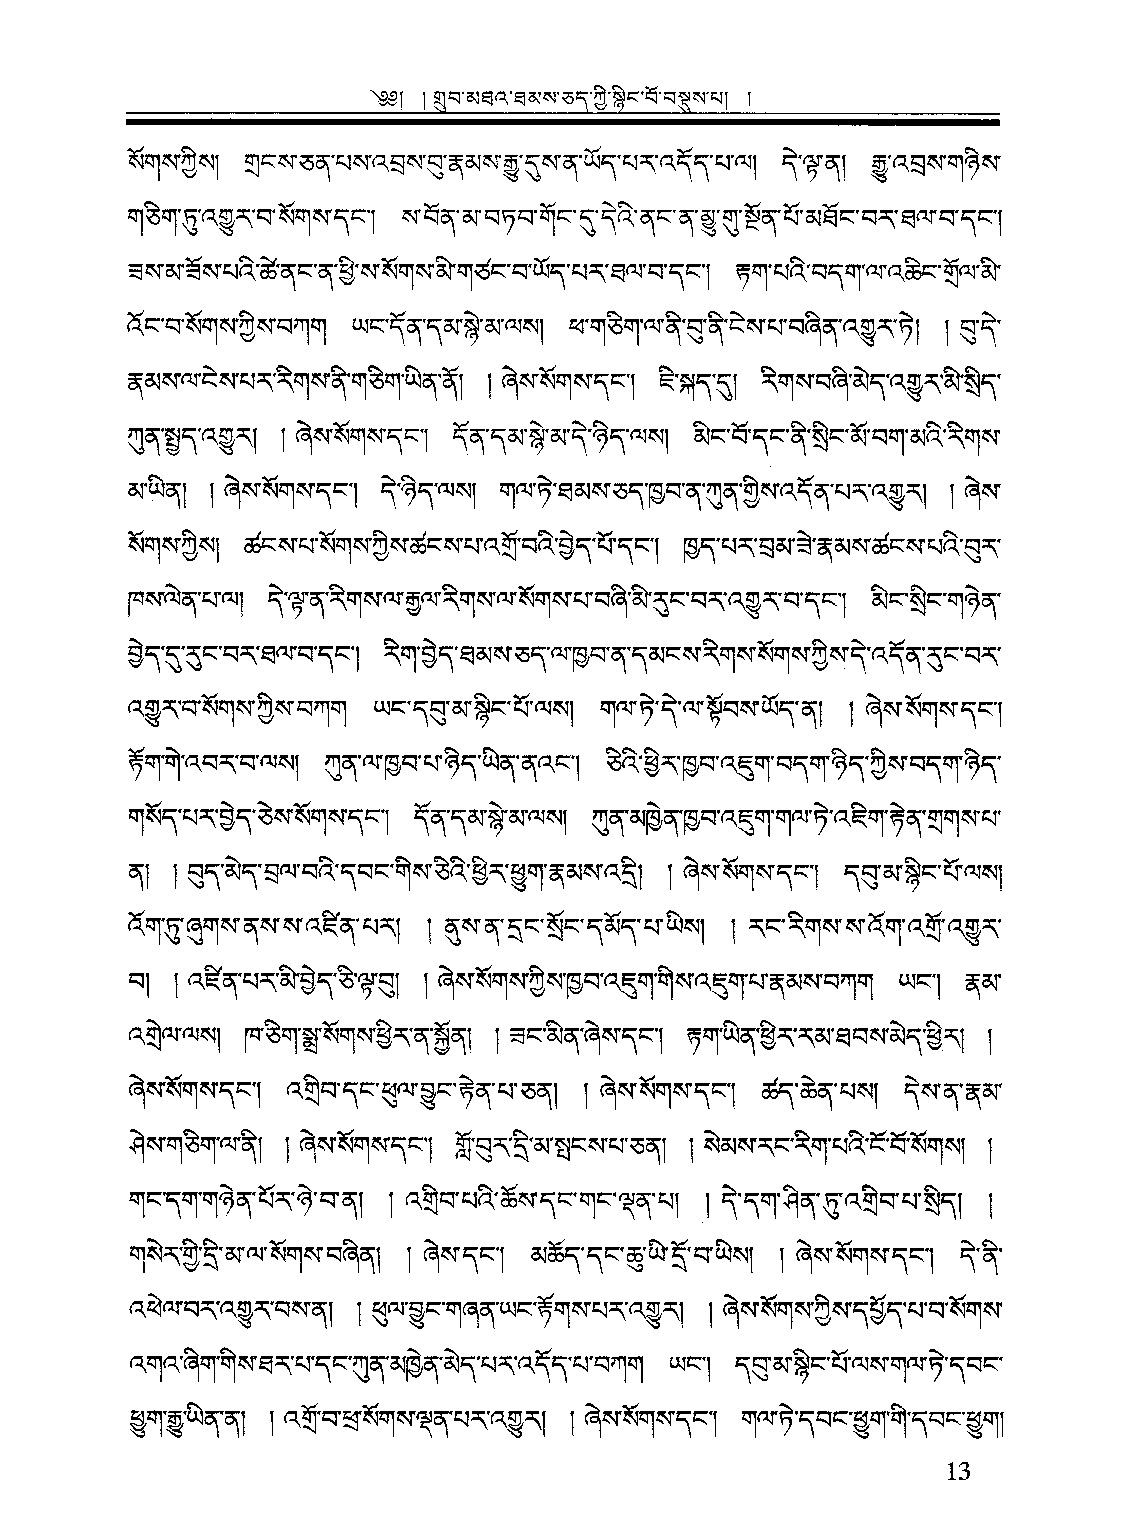སོགས་ཀྱིས། གྲངས་ཅན་པས་འབྲས་བུ་རྣམས་རྒྱུ་དུས་ན་ཡོད་པར་འདོད་པ་ལ། དེ་ལྟ་ན། རྒྱུ་འབྲས་གཉིས་
གཅིག་ཏུ་འགྱུར་བ་སོགས་དང་། ས་བོན་མ་བཏབ་གོང་དུ་དེའི་ནང་ན་མྱུ་གུ་སྔོན་པོ་མཐོང་བར་ཐལ་བ་དང་།
ཟས་མ་ཟོས་པའི་ཚེ་ནང་ན་ཕྱི་ས་སོགས་མི་གཙང་བ་ཡོད་པར་ཐལ་བ་དང་། རྟག་པའི་བདག་ལ་འཆིང་གྲོལ་མི་
འོང་བ་སོགས་ཀྱིས་བཀག་ཡང་དོན་དམ་སྙེ་མ་ལས། ཕ་གཅིག་ལ་ནི་བུ་ནི་ངེས་པ་བཞིན་འགྱུར་ཏེ། །བུ་དེ་
རྣམས་ལ་ངེས་པར་རིགས་ནི་གཅིག་ཡིན་ནོ། །ཞེས་སོགས་དང་། ཇི་སྐད་དུ། རིགས་བཞི་མེད་འགྱུར་མི་སྲིད་
ཀུན་སྤྱད་འགྱུར། །ཞེས་སོགས་དང་། དོན་དམ་སྙེ་མ་དེ་ཉིད་ལས། མིང་བོ་དང་ནི་སྲིང་མོ་བག་མའི་རིགས་
མ་ཡིན། །ཞེས་སོགས་དང་། དེ་ཉིད་ལས། གལ་ཏེ་ཐམས་ཅད་ཁྱབ་ན་ཀུན་གྱིས་འདོན་པར་འགྱུར། །ཞེས་
སོགས་ཀྱིས། ཚངས་པ་སོགས་ཀྱིས་ཚངས་པ་འགྲོ་བའི་བྱེད་པོ་དང་། ཁྱད་པར་བྲམ་ཟེ་རྣམས་ཚངས་པའི་བུར་
ཁས་ལེན་པ་ལ། དེ་ལྟ་ན་རིགས་ལ་རྒྱལ་རིགས་ལ་སོགས་པ་བཞི་མི་རུང་བར་འགྱུར་བ་དང་། མིང་སྲིང་གཉེན་
བྱེད་དུ་རུང་བར་ཐལ་བ་དང་། རིག་བྱེད་ཐམས་ཅད་ལ་ཁྱབ་ན་དམངས་རིགས་སོགས་ཀྱིས་དེ་འདོན་རུང་བར་
འགྱུར་བ་སོགས་ཀྱིས་བཀག་ཡང་དབུ་མ་སྙིང་པོ་ལས། གལ་ཏེ་དེ་ལ་སྟོབས་ཡོད་ན། །ཞེས་སོགས་དང་།
རྟོག་གེ་འབར་བ་ལས། ཀུན་ལ་ཁྱབ་པ་ཉིད་ཡིན་ནའང་། ཅིའི་ཕྱིར་ཁྱབ་འཇུག་བདག་ཉིད་ཀྱིས་བདག་ཉིད་
གསོད་པར་བྱེད་ཅེས་སོགས་དང་། དོན་དམ་སྙེ་མ་ལས། ཀུན་མཁྱེན་ཁྱབ་འཇུག་གལ་ཏེ་འཇིག་རྟེན་གྲགས་པ་
ན། །བུད་མེད་བྲལ་བའི་དབང་གིས་ཅིའི་ཕྱིར་ཕྱུག་རྣམས་འདྲི། །ཞེས་སོགས་དང་། དབུ་མ་སྙིང་པོ་ལས།
འོག་ཏུ་ཞུགས་ནས་ས་འཛིན་པར། །ནུས་ན་དྲང་སྲོང་དམོད་པ་ཡིས། །རང་རིགས་ས་འོག་འགྲོ་འགྱུར་
བ། །འཛིན་པར་མི་བྱེད་ཅི་ལྟ་བུ། །ཞེས་སོགས་ཀྱིས་ཁྱབ་འཇུག་གིས་འཇུག་པ་རྣམས་བཀག་ཡང་། རྣམ་
འགྲེལ་ལས། ཁ་ཅིག་སྨྲ་སོགས་ཕྱིར་ན་སྐྱོན། །ཟང་མིན་ཞེས་དང་། རྟག་ཡིན་ཕྱིར་རམ་ཐབས་མེད་ཕྱིར། །
ཞེས་སོགས་དང་། འགྲིབ་དང་ཕུལ་བྱུང་རྟེན་པ་ཅན། །ཞེས་སོགས་དང་། ཚད་ཆེན་པས། དེས་ན་རྣམ་
ཤེས་གཅིག་ལ་ནི། །ཞེས་སོགས་དང་། གློ་བུར་དྲི་མ་སྤངས་པ་ཅན། །སེམས་རང་རིག་པའི་ངོ་བོ་སོགས། །
གང་དག་གཉེན་པོར་ཉེ་བ་ན། །འགྲིབ་པའི་ཆོས་དང་གང་ལྡན་པ། །དེ་དག་ཤིན་ཏུ་འགྲིབ་པ་སྲིད། །
གསེར་གྱི་དྲི་མ་ལ་སོགས་བཞིན། །ཞེས་དང་། མཆོད་དང་ཆུ་ཡི་དྲོ་བ་ཡིས། །ཞེས་སོགས་དང་། དེ་ནི་
འཕེལ་བར་འགྱུར་བས་ན། །ཕུལ་བྱུང་གཞན་ཡང་རྟོགས་པར་འགྱུར། །ཞེས་སོགས་ཀྱིས་དཔྱོད་པ་བ་སོགས་
འགའ་ཞིག་གིས་ཐར་པ་དང་ཀུན་མཁྱེན་མེད་པར་འདོད་པ་བཀག་ཡང་། དབུ་མ་སྙིང་པོ་ལས་གལ་ཏེ་དབང་
ཕྱུག་རྒྱུ་ཡིན་ན། །འགྲོ་བ་ཕྲ་སོགས་ལྡན་པར་འགྱུར། །ཞེས་སོགས་དང་། གལ་ཏེ་དབང་ཕྱུག་གི་དབང་ཕྱུག།